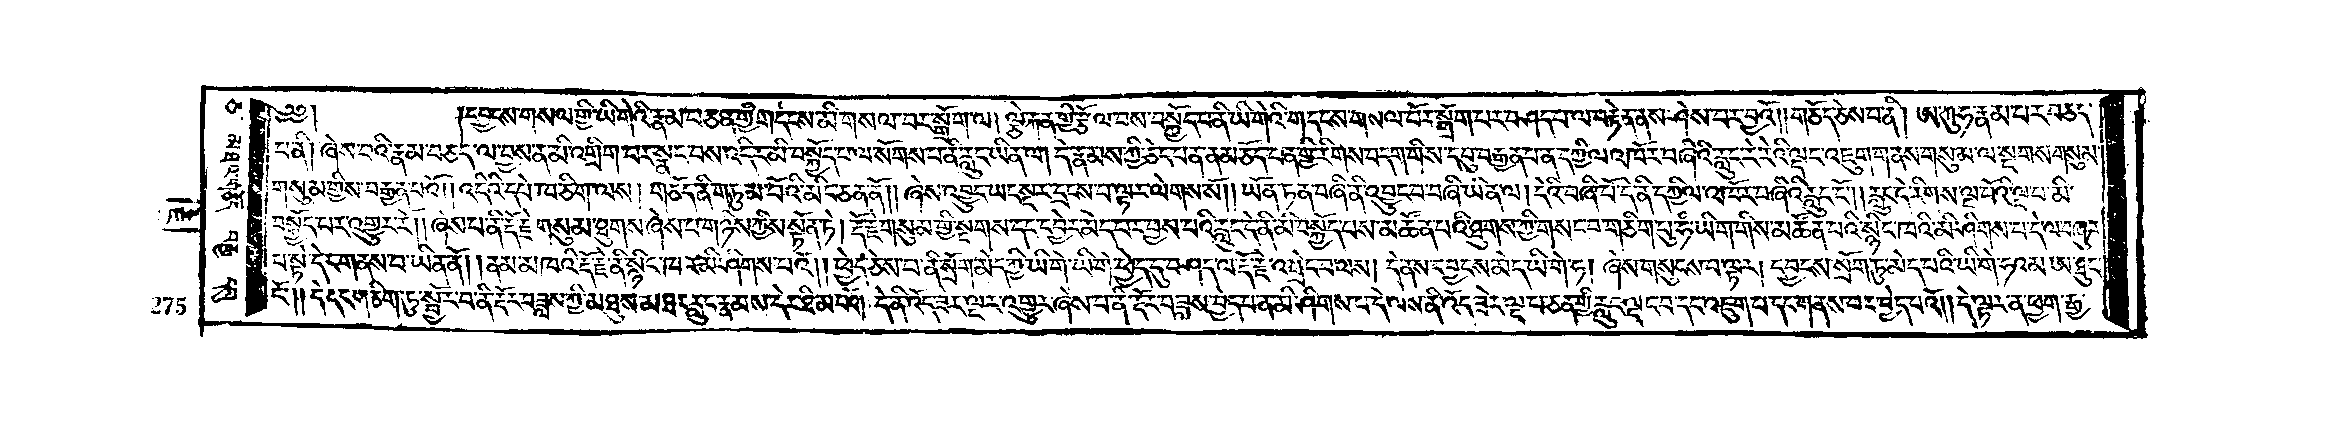༄༅། །དབྱངས་གསལ་གྱི་ཡི་གེའི་རྣམ་པ་ཅན་གྱི་གདངས་མི་གསལ་བར་སྒྲོག་ལ། ལྕེ་རྐན་གྱི་རྩོལ་བས་བསྐྱོད་པ་ནི་ཡི་གེའི་གདངས་གསལ་པོར་སྒྲོག་པར་བཤད་པ་ལ་བརྟེན་ནས་ཤེས་པར་བྱའོ། ། གཅོད་ཅེས་པ་ནི། ཨུ་ཀུ་ཧ་པར་བཅད་
པ་ནི། ཞེས་པའི་རྣམ་བཅད་ལ་བྱས་ན་མི་འགྲིག་པར་སྣང་བས་འདིར་མི་བསྐྱོད་པ་ལ་སོགས་པ་ནི་རླུང་ཡིན་ལ། དེ་རྣམས་ཀྱི་ཅེད་པ་ན་ཅོད་པན་གྱི་རིགས་བདག་གིས་དབུ་བརྒྱན་པ་ནི་དཀྱིལ་འཁོར་བཞིའི་རླུང་རེ་རེའི་ལྡང་འཇུག་གནས་གསུམ་ལ་སྔགས་གསུམ་
གསུམ་གྱིས་བརྒྱན་པའོ། །འདིའི་དཔེ་ཁ་ཅིག་ལས། གཅོད་ནི་གཏུམ་པོའི་མིང་ཅན་ནོ། །ཞེས་འབྱུང་ཡང་སྔར་དྲངས་པ་ལྟར་ལེགས་སོ། །ཡོན་ཏན་བཞི་ནི་འབྱུང་བ་བཞི་ཡིན་ལ། དེའི་བཞི་པོ་དེ་ནི་དཀྱིལ་འཁོར་བཞིའི་རླུང་ངོ། །རླུང་དེ་རིགས་ལྔ་པོའི་ལྔ་པ་མི་
བསྐྱོད་པར་འགྱུར་རོ། །ཞེས་པ་ནི་རྡོ་རྗེ་གསུམ་ཐུགས་ཞེས་པ་གཉིས་ཀྱིས་སྟོན་ཏེ། རྡོ་རྗེ་གསུམ་གྱི་སྔགས་དང་དབྱེར་མེད་པར་བྱས་པའི་རླུང་དེ་ནི་མི་བསྐྱོད་པས་མཚོན་པའི་ཐུགས་ཀྱི་གསང་བ་གཅིག་པུ་ཧཾ་ཡིག་གིས་མཚོན་པའི་སྙིང་ཁའི་མི་ཤིགས་པ་དེ་ལ་བཞུངས་
པ་སྟེ་དེར་གནས་པ་ཡིན་ནོ། །ནམ་མཁའི་རྡོ་རྗེ་ནི་སྙིང་ཁའ་མི་ཤིགས་པའོ། །ཕྱེད་ཅེས་པ་ནི་སྲོག་མེད་ཀྱི་ཡི་གེ་ཡི་གེ་ཕྱེད་དུ་བཤད་ལ་རྡོ་རྗེ་འཕྲེང་བ་ལས། དེ་ནས་དབྱངས་མེད་ཡི་གེ་ཧ། ཞེས་གསུངས་པ་ལྟར། དབྱངས་སྲོག་ཏུ་མེད་པའི་ཡི་གེ་ཧའམ་ཨ་ཐུང་
ངོ། །དེ་དང་གཅིག་ཏུ་སྦྱོར་བ་ནི་རྡོར་བཟླས་ཀྱི་མཐུས་མཐར་རླུང་རྣམས་དེར་ཐིམ་པའོ། །དེ་ནི་འོད་ཟེར་ལྔར་འགྱུར་ཞེས་པ་ནི་རྡོར་བཟླས་བྱེད་པ་ན་མི་ཤིགས་པ་དེ་ལས་ནི་འོད་ཟེར་ལྔ་པ་ཅན་གྱི་རླུང་ལྡང་བ་དང་འཇུག་པ་དང་གནས་པར་བྱེད་པའོ། །དེ་ལྟར་ན་ཕྱག་རྒྱ་